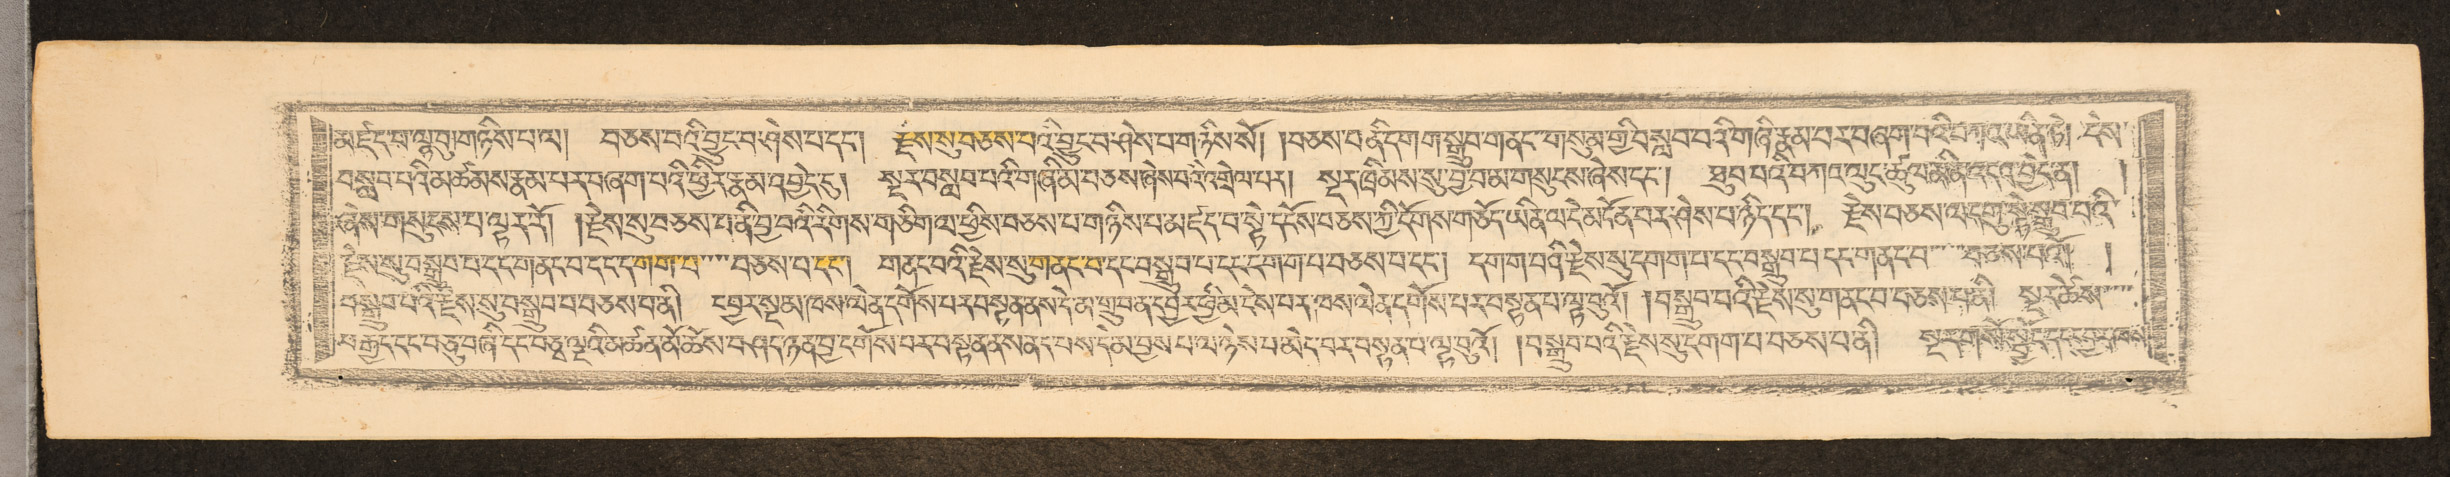མཛད་པ་ལྟ་བུ། གཉིས་པ་ལ། བཅས་པའི་བྱུང་བ་ཤེས་པ་དང་། རྗེས་སུ་བཅས་པའི་བྱུང་བ་ཤེས་པ་གཉིས་སོ། །བཅས་པ་ནི་དགག་སྒྲུབ་གནང་གསུམ་གྱི་བསླབ་པའི་གཞི་རྣམ་པར་བཞག་པའི་བཀའ་ཡིན་ཏེ། དེས་
བསླབ་པའི་མཚམས་རྣམ་པར་བཞག་པའི་ཕྱིར་རྣམ་འབྱེད་དུ། སྔར་བསླབ་པའི་གཞི་མ་བཅས་ཞེས་པའི་འགྲེལ་པར། སྔར་ཁྲིམས་སུ་བྱ་བ་མ་གསུངས་ཞེས་དང་། ཐུབ་པའི་བཀའ་ལུང་ཚུལ་མིན་འདའ་བྱེད་ན། །
ཞེས་གསུངས་པ་ལྟར་རོ། །རྗེས་སུ་བཅས་པ་ནི་བྱ་བའི་རིགས་གཅིག་ལ་ཕྱིས་བཅས་པ་གཉིས་པ་མཛད་པ་སྟེ་དངོས་བཅས་ཀྱི་དོགས་གཅོད་ཡིན་ལ་དེ་མངོན་པར་ཤེས་པ་ཉིད་དང་། རྗེས་བཅས་ལ་དགུ་སྟེ་སྒྲུབ་པའི་
རྗེས་སུ་བསྒྲུབ་པ་དང་གནང་བ་དང་དགག་པ་བཅས་པ་དང་། གནང་བའི་རྗེས་སུ་གནང་བ་དང་བསྒྲུབ་པ་དང་དགག་པ་བཅས་པ་དང་། དགག་པའི་རྗེས་སུ་དགག་པ་དང་བསྒྲུབ་པ་དང་གནང་བ་བཅས་པའོ། །
བསྒྲུབ་པའི་རྗེས་སུ་བསྒྲུབ་པ་བཅས་པ་ནི། དབྱར་སྔ་མཁས་ལེན་དགོས་པར་བསྟན་ནས་དེ་མ་གྲུབ་ན་དབྱར་ཕྱི་མ་ངེས་པར་ཁས་ལེན་དགོས་པར་བསྟན་པ་ལྟ་བུའོ། །བསྒྲུབ་པའི་རྗེས་སུ་གནང་བ་བཅས་པ་ནི། སྔར་ཚེས་
བརྒྱད་དང་བཅུ་བཞི་དང་བཅྭ་ལྔའི་མཚན་མོ་ཆོས་བཤད་ཉན་བྱ་དགོས་པར་བསྟན་ནས་ནད་པས་དེ་མ་བྱས་པ་ལ་ཉེས་པ་མེད་བར་བསྟན་པ་ལྟ་བུའོ། །བསྒྲུབ་པའི་རྗེས་སུ་དགག་པ་བཅས་པ་ནི། སྔར་གསོ་སྦྱོང་དང་དབྱར་ཁས་